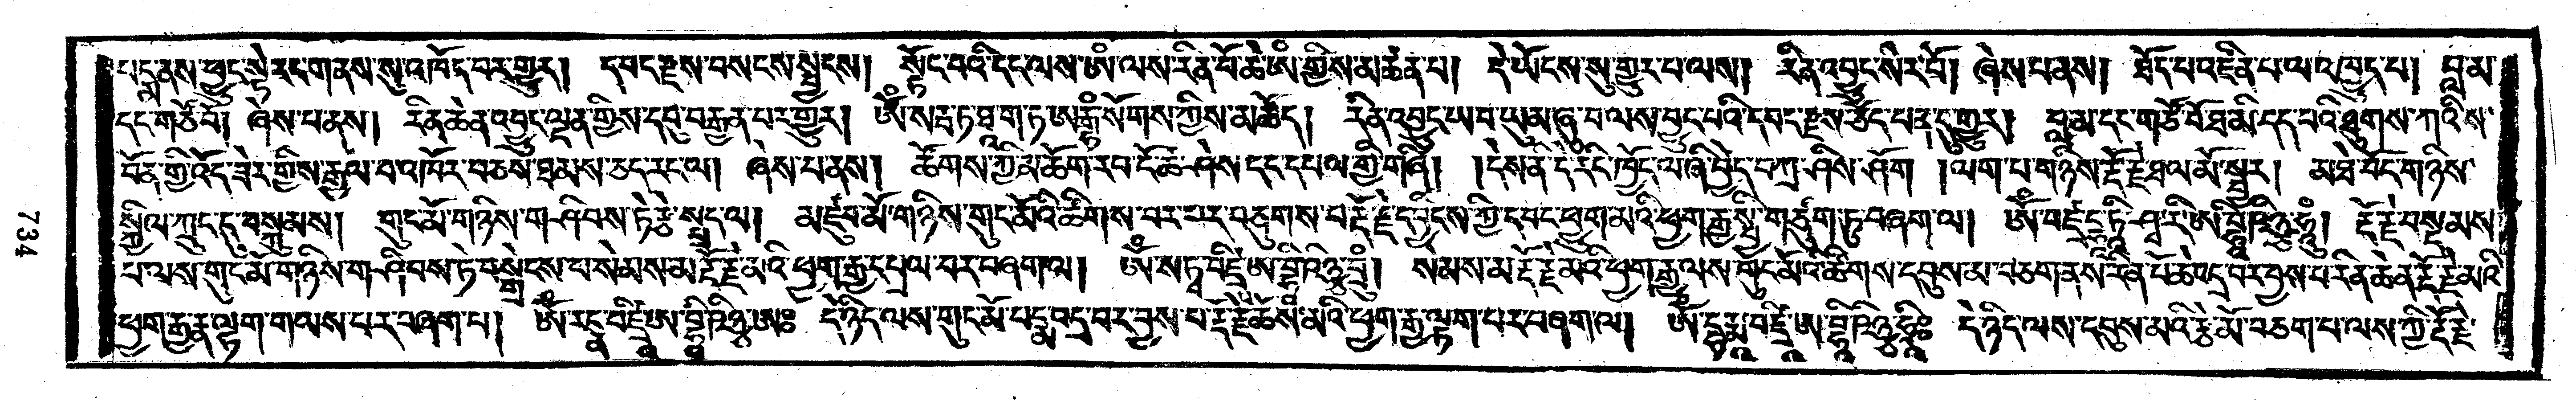པདམ་ནས་ཕྱུང་སྟེ་རང་གནས་སུ་འཁོད་པར་གྱུར། དབང་རྫས་བསངས་སྦྱངས། སྟོང་པའི་ངང་ལས་ཨཾ་ལས་རིན་པོ་ཆེ་ཨཾ་གྱིས་མཚན་པ། དེ་ཡོངས་སུ་གྱུར་པ་ལས། རིན་འབྱུང་སེར་པོ། ཞེས་པ་ནས། ཐོད་པ་འཛིན་པ་ལ་འཁྱུད་པ། བླ་མ་
དང་གཙོ་བོ། ཞེས་པ་ནས། རིན་ཆེན་འབྱུང་ལྡན་གྱིས་དབུ་བརྒྱན་པར་གྱུར། ཨོཾ་སརྦ་ཏ་ཐཱ་ག་ཏ་ཨརྒྷཾ་སོགས་ཀྱིས་མཆོད། རིན་འབྱུང་ཡབ་ཡུམ་ཞུ་བ་ལས་བྱུང་པའི་དབང་རྫས་ཅོད་པན་དུ་གྱུར། བླ་མ་དང་གཙོ་བོ་ཐ་མི་དད་པའི་ཐུགས་ཀའི་ས་
བོན་གྱི་འོད་ཟེར་གྱིས་རྒྱལ་བ་འཁོར་བཅས་ཐམས་ཅད་རང་ལ། ཞེས་པ་ནས། ཚོགས་ཀྱི་མཆོག་རབ་ངོ་ཚ་ཤེས་དང་དཔལ་གྱི་གཞི། །དེས་ནི་དེ་རིང་ཁྱོད་ལ་ཞི་བྱེད་བཀྲ་ཤིས་ཤོག །ལག་པ་གཉིས་རྡོ་རྗེ་ཐལ་མོ་སྦྱར། མཐེ་བོང་གཉིས་
སྐྱིལ་ཀྲུང་དུ་བསྐུམས། གུང་མོ་གཉིས་གཤིབས་ཏེ་རྩེ་སྤྲད་ལ། མཛུབ་མོ་གཉིས་གུང་མོའི་ཚིགས་བར་པར་བཅུགས་པ་རྡོ་རྗེ་དབྱིངས་ཀྱི་དབང་ཕྱུག་མའི་ཕྱག་རྒྱ་སྤྱི་གཙུག་ཏུ་བཞག་ལ། ཨོཾ་བཛྲ་དྷཱ་ཏའི་ཤྭ་རི་ཨ་བྷཱི་ཥིཉྩ་ཧཱུཾ། རྡོ་རྗེ་བསྔམས་
པ་ལས་གུང་མོ་གཉིས་གཤིབས་ཏེ་བསྒྲེངས་པ་སེམས་མ་རྡོ་རྗེ་མའི་ཕྱག་རྒྱ་དཔྲལ་བར་བཞག་ལ། ཨོཾ་སཏྭ་བཛྲཱི་ཨ་བྷཱི་ཥིཉྩ་བྲུཾ། སེམས་མ་རྡོ་རྗེ་མའི་ཕྱག་རྒྱ་ལས་གུང་མོའི་ཚིགས་དབུས་མ་བཅག་ནས་རིན་པོ་ཆེ་འདྲ་བར་བྱས་པ་རིན་ཆེན་རྡོ་རྗེ་མའི་
ཕྱག་རྒྱ་རྣ་ལྷག་གཡས་པར་བཞག་པ། ཨོཾ་རཏྣ་བཛྲཱི་ཨ་བྷཱི་ཥྀཉྩ་ཨཿ དེ་ཉིད་ལས་གུང་མོ་པདམ་འདྲ་བར་བྱས་པ་རྡོ་རྗེ་ཆོས་མའི་ཕྱག་རྒྱ་ལྟག་པར་བཞག་ལ། ཨོཾ་དྷརྨཱ་བཛྲཱི་ཨ་བྷཱི་ཥིཉྩ་ཧྲཱིཿ དེ་ཉིད་ལས་དབུས་མའི་རྩེ་མོ་བཅག་པ་ལས་ཀྱི་རྡོ་རྗེ་